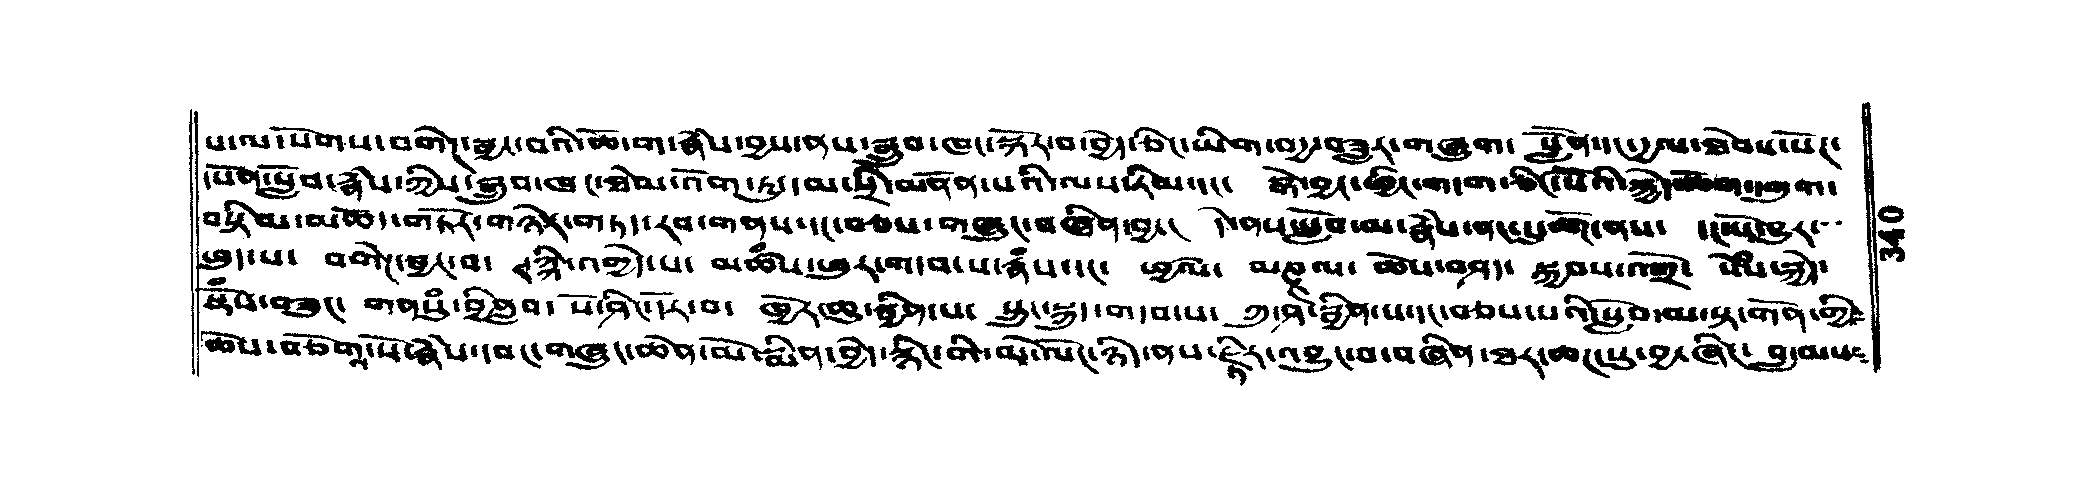པ་ལ་སོགས་བགེགས་སྦྱང་བའི་ཆོ་ག་རྣམས་བྱས་ནས་སྒྲུབ་ཁང་སྐོར་བ་བྱེད་ཅིང་ཡིག་བརྒྱ་བཟླས་བཞུག་སློབ་དཔོན་དང་རྒྱལ་ཐེབས་སོགས་
དཔོན་སློབ་རྣམས་ཀྱིས་སྒྲུབ་ཁང་ཐེམ་འོག་ཏུ་དམ་སྲི་མནོན་པའི་ལས་རིམ་དང་། སྒོ་བྱང་ཕྱི་ནང་གདག་ཅིང་སོ་སོའི་སྐྱེད་ཆོག་དགུག་
བསྟིམ་མཆོད་གཏོར་གཉེར་གཏད་རབ་གནས་དང་བཅས་གཞུང་བཞིན་བྱ། དེ་ནས་སློབ་མ་རྣམས་ནང་དུ་ཚོགས་ནས། དང་པོ་བྱུར་
ཕུད་པ། བགེགས་སྦྱང་བ། ཌཀྐི་འགྱེད་པ། མཚམས་ཕུར་གདབ་པ་རྣམས་དང་། ཕྱག་འཚལ། མཎྜལ། ཆོས་བཤད། སྐྱབས་འགྲོ་སེམས་བསྐྱེད། 
སྡོམ་བཟུང་། གནས་སུམ་བྱིན་རླབས། སོ་ཤིང་དོར་བ། ཁྱོར་ཆུ་སྦྱིན་པ། སྲུང་སྐུད་གདབ་པ། ཀུ་ཤ་སྦྱིན་པ་དང་བཅས་པའི་སློབ་མ་སྟ་གོན་གྱི་
ཆོས་བཅོགས་སོ་རྣམས་དབང་གཞུངཆེན་མོ་སྨིན་བྱེད་སྙིང་གི་མེ་ལོང་ཉིད་ནས་ཇི་ལྟར་འབྱུང་བ་བཞིན་ཐར་ཆགས་སུ་བྱ་ཞིང་། བླ་མས་